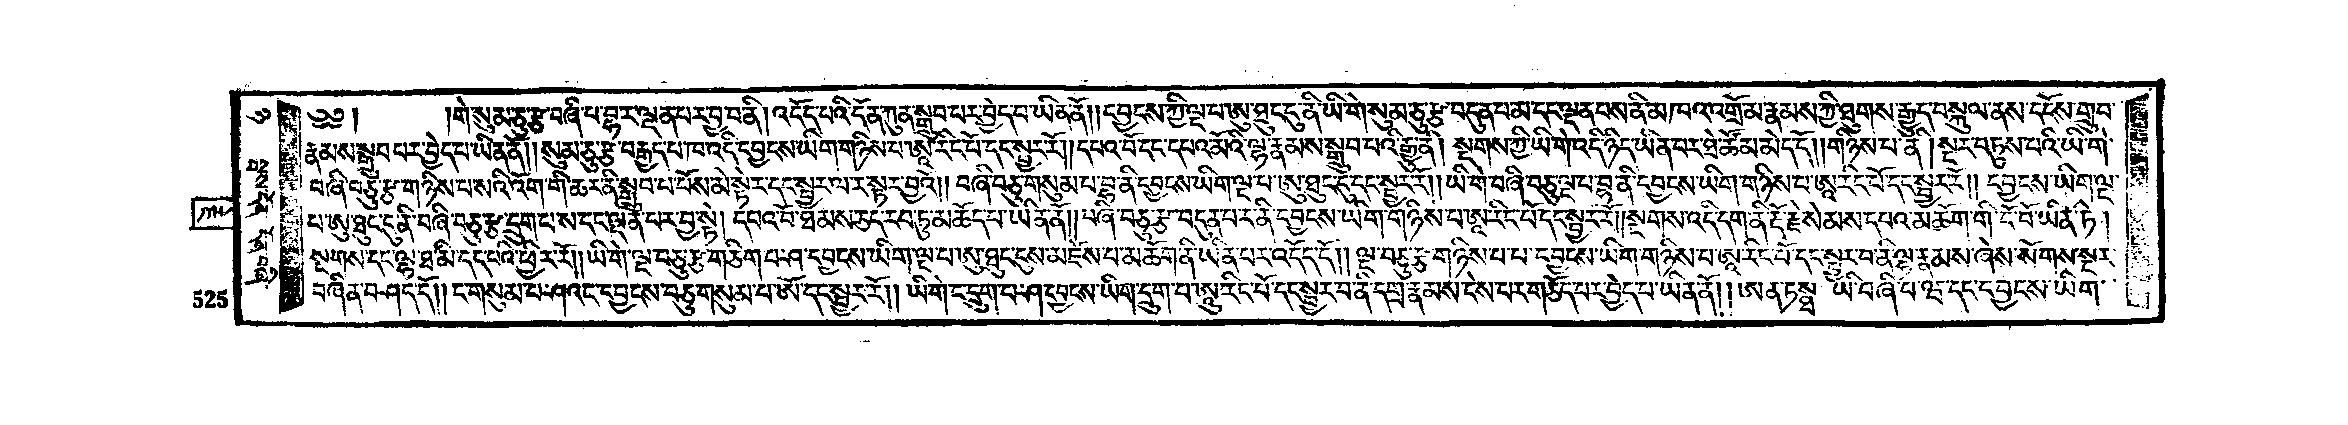༄༅། །གེ་སུམ་ཅུ་རྩ་བཞི་པ་བྷ་ར་ལྡན་པར་བྱ་བ་ནི། འདོད་པའི་དོན་ཀུན་སྒྲུབ་པར་བྱེད་པ་ཡིན་ནོ། །དབྱངས་ཀྱི་ལྔ་པ་ཨུ་ཐུང་ངུ་ནི་ཡི་གེ་སུམ་ཅུ་རྩ་བདུན་བམ་དང་ལྡན་པས་ནི་མཁའ་འགྲོ་མ་རྣམས་ཀྱི་ཐུགས་རྒྱུད་བསྐུལ་ནས་དངོས་གྲུབ་
རྣམས་སྒྲུབ་པར་བྱེད་པ་ཡིན་ནོ། །སུམ་ཅུ་རྩ་བརྒྱད་པ་ཁ་འདི་དབྱངས་ཡིག་གཉིས་པ་ཨཱ་རིང་པོ་དང་སྦྱར་རོ། །དཔའ་བོ་དང་དཔའ་མོའི་ལྷ་རྣམས་སྒྲུབ་པའི་རྒྱུ་ནི། སྔགས་ཀྱི་ཡི་གེ་འདི་ཉིད་ཡིན་པར་ཐེ་ཚོམ་མེད་དོ། །གཉིས་པ་ནི། སྔར་བཏུས་པའི་ཡི་གེ་
བཞི་བཅུ་རྩ་གཉིས་པ་སའི་འོག་གི་ཆར་ནི་སྒྲུབ་པ་པོས་མེ་སྟེར་དང་སྦྱར་ལ་ར་སྟར་བྱའོ། །བཞི་བཅུ་གསུམ་པ་བྷ་ནི་དབྱངས་ཡིག་ལྔ་པ་ཨུ་ཐུང་ངུ་དང་སྦྱར་རོ། །ཡི་གེ་བཞི་བཅུ་ལྔ་པ་བྷ་ནི་དབྱངས་ཡིག་གཉིས་པ་ཨཱ་རིང་པོ་དང་སྦྱར་རོ། །དབྱངས་ཡིག་ལྔ་
པ་ཨུ་ཐུང་ངུ་ནི་བཞི་བཅུ་རྩ་དྲུག་པ་ས་དང་ལྡན་པར་བྱ་སྟེ། དཔའ་བོ་ཐམས་ཅད་རབ་ཏུ་མཆོད་པ་ཡིན་ནོ། །བཞི་བཅུ་རྩ་བདུན་པར་ནི་དབྱངས་ཡིག་གཉིས་པ་ཨཱ་རིང་པོ་དང་སྦྱར་རོ། །སྔགས་འདི་དག་ནི་རྡོ་རྗེ་སེམས་དཔའ་མཆོག་གི་ངོ་བོ་ཡིན་ཏེ།
སྔགས་དང་ལྷ་ཐ་མི་དད་པའི་ཕྱིར་རོ། །ཡི་གེ་ལྔ་བཅུ་རྩ་གཅིག་པ་ཤ་དབྱངས་ཡིག་ལྔ་པ་ཨུ་ཐུང་ངུས་མཛེས་པ་མཆོག་ནི་ཡིན་པར་འདོད་དོ། །ལྔ་བཅུ་རྩ་གཉིས་པ་པ་དབྱངས་ཡིག་གཉིས་པ་ཨཱ་རིང་པོ་དང་སྦྱར་བ་ནི་ལྷ་རྣམས་ཞེས་སོགས་སྔར་
བཞིན་བཤད་དོ། །ང་གསུམ་པ་ཤའང་དབྱངས་བཅུ་གསུམ་པ་ཨོ་དང་སྦྱར་རོ། །ཡི་གེ་ང་དྲུག་པ་ཤ་དབྱངས་ཡིག་དྲུག་པ་ཨཱུ་རིང་པོ་དང་སྦྱར་བ་ནི་དགྲ་རྣམས་ངེས་པར་གཅོད་པར་བྱེད་པ་ཡིན་ནོ། །ཨན་ཏ་སྠ་ཡི་བཞི་པ་ཝ་དང་དབྱངས་ཡིག་